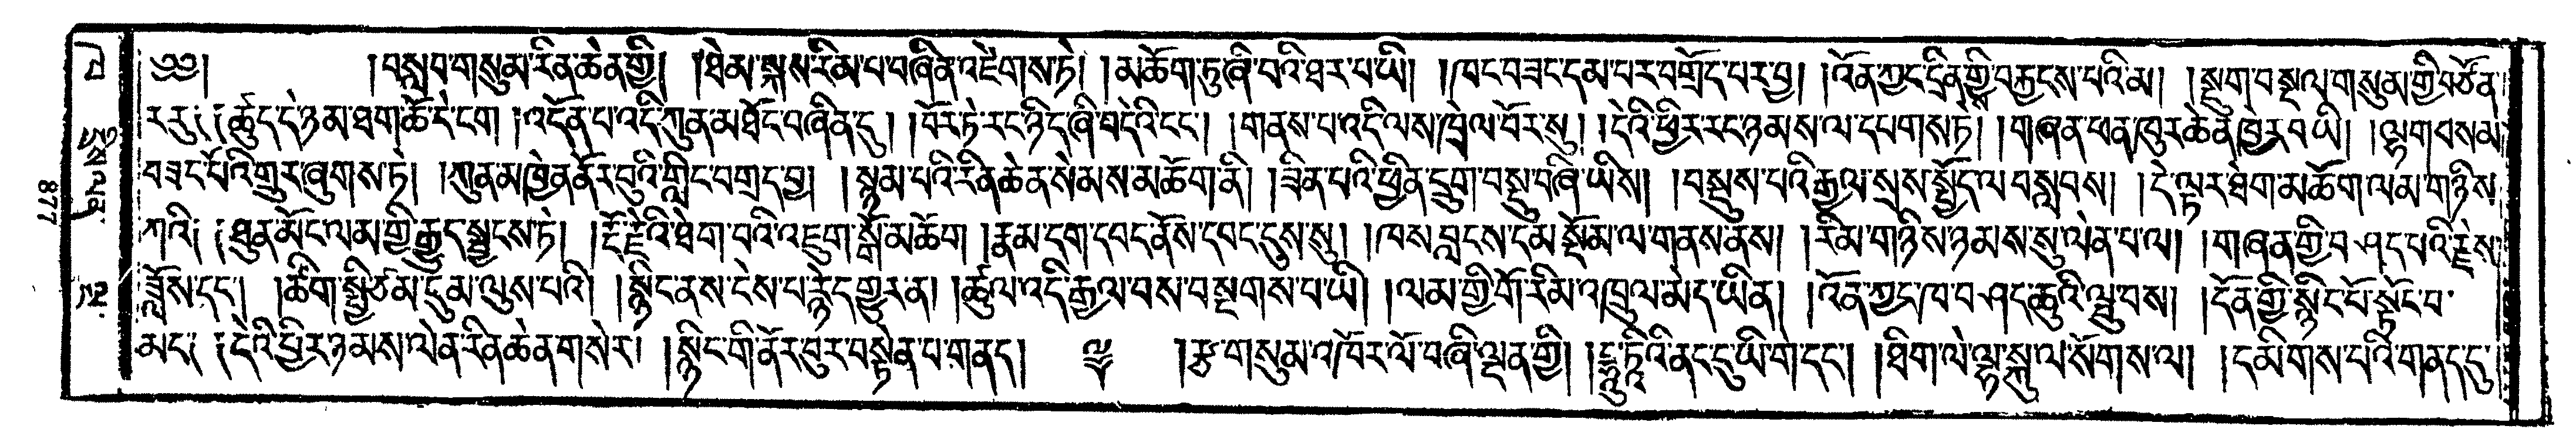༄༅། །བསླབ་གསུམ་རིན་ཆེན་གྱི། །ཐེམ་སྐས་རིམ་པ་བཞིན་འཛེགས་ཏེ། །མཆོག་ཏུ་ཞི་བའི་ཐར་པ་ཡི། །ཁང་བཟང་དམ་པར་བགྲོད་པར་བྱ། །འོན་ཀྱང་དྲིན་གྱིས་བརྐྱངས་པའི་མ། །སྡུག་བསྔལ་གསུམ་གྱི་བཙོན་
ར་རུ༑ ༑ཚུད་དེ་ཉམ་ཐག་ཆོ་དེ་ངག །འདོན་པ་འདི་ཀུན་མཐོང་བཞིན་དུ། །བོར་ཏེ་རང་ཉིད་ཞི་བདེའི་ངང་། །གནས་པ་འདི་ལས་ཁྲེལ་བོར་སུ། །དེའི་ཕྱིར་རང་ཉམས་ལ་དཔགས་ཏེ། །གཞན་ཕན་ཁུར་ཆེན་ཁྱེར་བ་ཡི། །ལྷག་བསམ་
བཟང་པོའི་གྲུར་ཞུགས་ཏེ། །ཀུན་མཁྱེན་ནོར་བུའི་གླིང་བགྲད་བྱ། །སྙམ་པའི་རིན་ཆེན་སེམས་མཆོག་ནི། །ཟིན་པའི་ཕྱིན་དྲུག་བསྡུ་བཞི་ཡིས། །བསྡུས་པའི་རྒྱལ་སྲས་སྤྱོད་ལ་བསླབས། །དེ་ལྟར་ཐེག་མཆོག་ལམ་གཉིས་
ཀའི༑ ༑ཐུན་མོང་ལམ་གྱི་རྒྱུད་སྦྱངས་ཏེ། །རྡོ་རྗེའི་ཐེག་པའི་འཇུག་སྒོ་མཆོག །རྣམ་དག་དབང་ནོས་དབང་དུས་སུ། །ཁས་བླངས་ངམ་སྡོམ་ལ་གནས་ནས། །རིམ་གཉིས་ཉམས་སུ་ལེན་པ་ལ། །གཞན་གྱི་བཤད་པའི་རྗེས་
ཟློས་དང་། །ཚིག་སྤྱི་ཙམ་དུ་མ་ལུ་ས་པའི། །སྙིང་ནས་ངེས་པ་རྙེད་གྱུར་ན། །ཚུལ་འདི་རྒྱལ་བས་བསྔགས་པ་ཡི། །ལམ་གྱི་གོ་རིམ་འཁྲུལ་མེད་ཡིན། །འོན་ཀྱང་ཁ་བཤད་ཆུའི་ཝུ་བས། །དོན་གྱི་སྙིང་པོ་སྟོང་བ་
མང༑ ༑དེའི་ཕྱིར་ཉམས་ལེན་རིན་ཆེན་གསེར། །སྙིང་གི་ནོར་བུར་བསྟེན་པ་གནད། ༈ །རྩ་གསུམ་འཁོར་ལོ་བཞི་ལྡན་གྱི། །དྷཱུ་ཏཱིའི་ནང་དུ་ཡི་གེ་དང་། །ཐིག་ལེ་ལྷ་སྐུ་ལ་སོགས་ལ། །དམིགས་པའི་གནད་དུ་